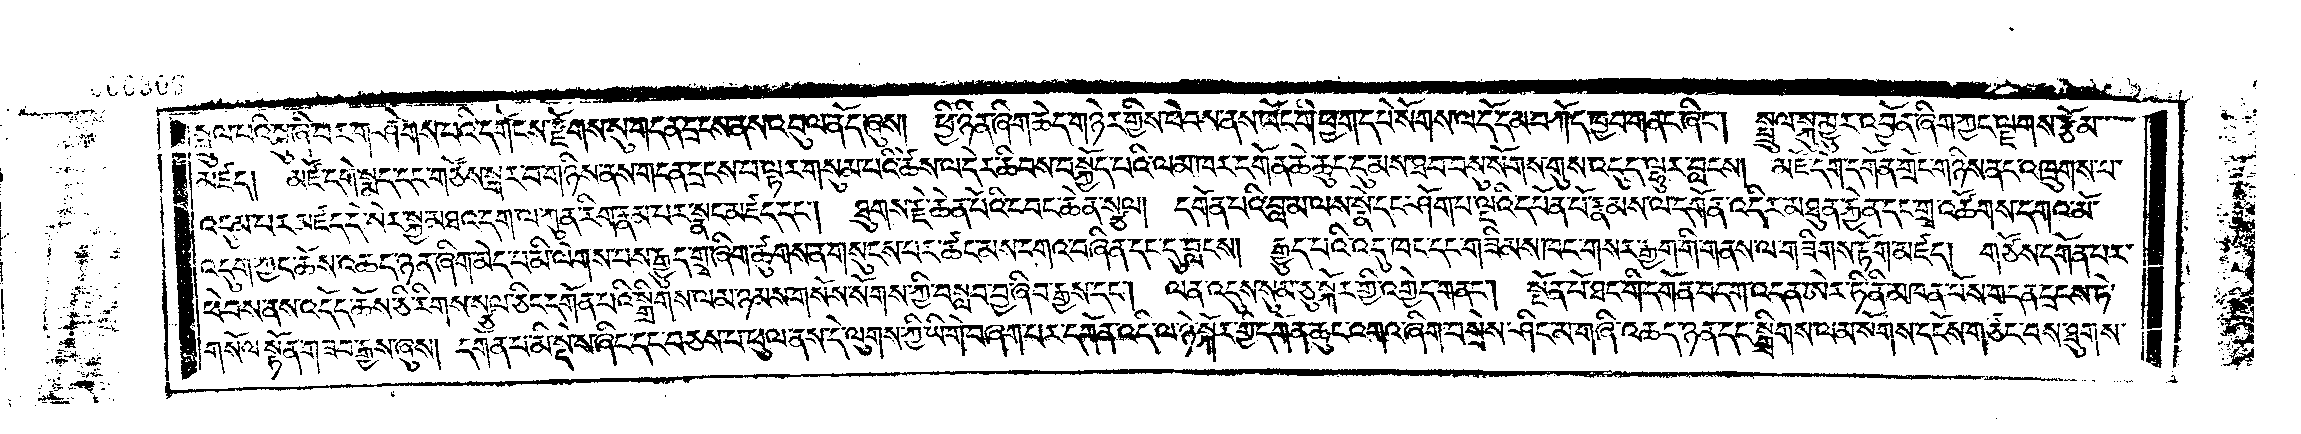སྤྲུལ་པའི་སྐུ་ཞི་བར་གཤེགས་པའི་དགོངས་རྫོགས་སུ་གདན་དྲངས་ནས་འབུལ་ནོད་ཞུས། ཕྱི་ཉིན་ཞིག་ཆེད་གཉེར་གྱིས་ཕེབས་ནས་ཁོང་གི་ཕྱག་དཔེ་སོགས་ལ་དོ་དམ་བཀོད་ཁྱབ་གནང་ཞིང་། སྤྲུལ་སྐུ་མྱུར་འབྱོན་ཞིག་ཀྱང་ལྗགས་རྩོམ་
མཛད། མཛོ་དགེ་སྨད་དང་གཙོས་སྒར་བ་གཉིས་ནས་གདན་དྲངས་པ་ལྟར་གསུམ་པའི་ཚེས་ལ་དེར་ཆིབས་བསྐྱོད་པའི་ལམ་ཁར་དགོན་ཆེ་ཆུང་དུ་མས་ཐབ་བསུ་སོགས་གུས་འདུད་ལྷུར་བླངས། མཛོད་དགེ་དགོན་གྲོང་གཉིས་ནང་འཁྲུགས་པ་
འདུམ་པར་མཛད་དེ་སེར་སྐྱ་མཐའ་དག་ལ་ཀུན་རིག་རྣམ་པར་སྣང་མཛད་དང་། ཐུགས་རྗེ་ཆེན་པོའི་དབང་ཆེན་སྩལ། དགོན་པའི་བླ་མ་ལས་སྣེ་དང་ཤོག་པ་ལྔའི་དཔོན་པོ་རྣམས་ལ་དགོན་འདིར་མཐུན་རྐྱེན་དང་གྲྭ་འཚོགས་དགའ་མོ་
འདུག་ཀྱང་ཆོས་འཆད་ཉན་ཞིག་མེད་པ་མི་ལེགས་པས་རྒྱུད་གྲྭ་ཞིག་ཚུགས་ན་གསུངས་པར་ཚང་མས་དགའ་བཞིན་དང་དུ་བླངས། རྒྱུད་པའི་འདུ་ཁང་དང་གཟིམས་ཁང་གསར་རྒྱག་གི་གནས་ལ་གཟིགས་རྟོག་མཛད། གཙོས་དགོན་པར་
ཕེབས་ནས་འདོད་ཆོས་ཅི་རིགས་སྩལ་ཅིང་དགོན་པའི་སྒྲིགས་ལམ་ཉམས་གསོས་སོགས་ཀྱི་བསླབ་བྱ་ཞིབ་རྒྱས་དང་། ལན་འདུས་སུམ་ཅུ་སྐོར་གྱི་འགྱེད་གནང་། སྔོན་པོ་ཐང་གི་དགོན་བདག་འདན་ཨེར་ཏི་ནི་མཁན་པོས་གདན་དྲངས་ཏེ་
གསོལ་སྟོན་གཟབ་རྒྱས་ཞུས། དགོན་པ་མི་སྡེས་ཞིང་དང་བཅས་པ་ཕུལ་ནས་དེ་ལུགས་ཀྱི་ཡི་གེ་བཞག་པར་དགོན་འདི་ལ་ཉེ་སྐོར་གྱི་དགོན་ཆུང་འགའ་ཞིག་བསྲེས་ཤིང་མ་གཞི་འཆད་ཉན་དང་སྒྲིགས་ལམ་སོགས་དངོས་གཙང་བས་ཐུགས་